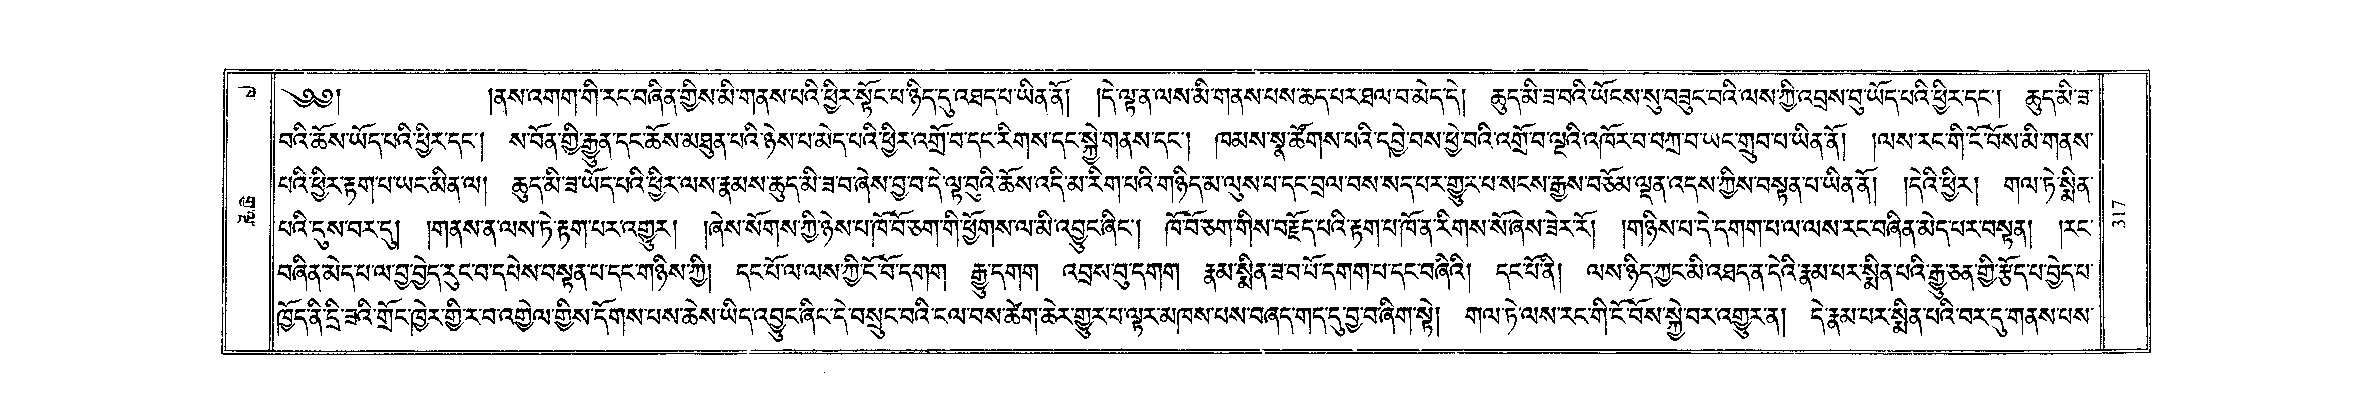༄༅། །ནས་འགག་གི་རང་བཞིན་གྱིས་མི་གནས་པའི་ཕྱིར་སྟོང་པ་ཉིད་དུ་འཐད་པ་ཡིན་ནོ། །དེ་ལྟ་ན་ལས་མི་གནས་པས་ཆད་པར་ཐལ་བ་མེད་དེ། ཆུད་མི་ཟ་བའི་ཡོངས་སུ་བཟུང་བའི་ལས་ཀྱི་འབྲས་བུ་ཡོད་པའི་ཕྱིར་དང་། ཆུད་མི་ཟ་
བའི་ཆོས་ཡོད་པའི་ཕྱིར་དང་། ས་བོན་གྱི་རྒྱུན་དང་ཆོས་མཐུན་པའི་ཉེས་པ་མེད་པའི་ཕྱིར་འགྲོ་བ་དང་རིགས་དང་སྐྱེ་གནས་དང་། ཁམས་སྣ་ཚོགས་པའི་དབྱེ་བས་ཕྱེ་བའི་འགྲོ་བ་ལྔའི་འཁོར་བ་བཀྲ་བ་ཡང་གྲུབ་པ་ཡིན་ནོ། །ལས་རང་གི་ངོ་བོས་མི་གནས་
པའི་ཕྱིར་རྟག་པ་ཡང་མིན་ལ། ཆུད་མི་ཟ་ཡོད་པའི་ཕྱིར་ལས་རྣམས་ཆུད་མི་ཟ་བ་ཞེས་བྱ་བ་དེ་ལྟ་བུའི་ཆོས་འདི་མ་རིག་པའི་གཉིད་མ་ལུས་པ་དང་བྲལ་བས་སད་པར་གྱུར་པ་སངས་རྒྱས་བཅོམ་ལྡན་འདས་ཀྱིས་བསྟན་པ་ཡིན་ནོ། །དེའི་ཕྱིར། གལ་ཏེ་སྨིན་
པའི་དུས་བར་དུ། །གནས་ན་ལས་ཏེ་རྟག་པར་འགྱུར། །ཞེས་སོགས་ཀྱི་ཉེས་པ་ཁོ་བོ་ཅག་གི་ཕྱོགས་ལ་མི་འབྱུང་ཞིང་། ཁོ་བོ་ཅག་གིས་བརྗོད་པའི་རྟག་པ་ཁོ་ན་རིགས་སོ་ཞེས་ཟེར་རོ། །གཉིས་པ་དེ་དགག་པ་ལ་ལས་རང་བཞིན་མེད་པར་བསྟན། །རང་
བཞིན་མེད་པ་ལ་བྱ་བྱེད་རུང་བ་དཔེས་བསྟན་པ་དང་གཉིས་ཀྱི། དང་པོ་ལ་ལས་ཀྱི་ངོ་བོ་དགག་རྒྱུ་དགག་འབྲས་བུ་དགག་རྣམ་སྨིན་ཟབ་པོ་དགག་པ་དང་བཞིའི། དང་པོ་ནི། ལས་ཉིད་ཀྱང་མི་འཐད་ན་དེའི་རྣམ་པར་སྨིན་པའི་རྒྱུ་ཅན་གྱི་རྩོད་པ་བྱེད་པ་
ཁྱོད་ནི་དྲི་ཟའི་གྲོང་ཁྱེར་གྱིར་བ་འགྱེལ་གྱིས་དོགས་པས་ཆེས་ཡིད་འབྱུང་ཞིང་དེ་བསྲུང་བའི་ངལ་བས་ཚེག་ཆེར་གྱུར་པ་ལྟར་མཁས་པས་བཞད་གད་དུ་བྱ་བ་ཞིག་སྟེ། གལ་ཏེ་ལས་རང་གི་ངོ་བོས་སྐྱེ་བར་འགྱུར་ན། དེ་རྣམ་པར་སྨིན་པའི་བར་དུ་གནས་པས་